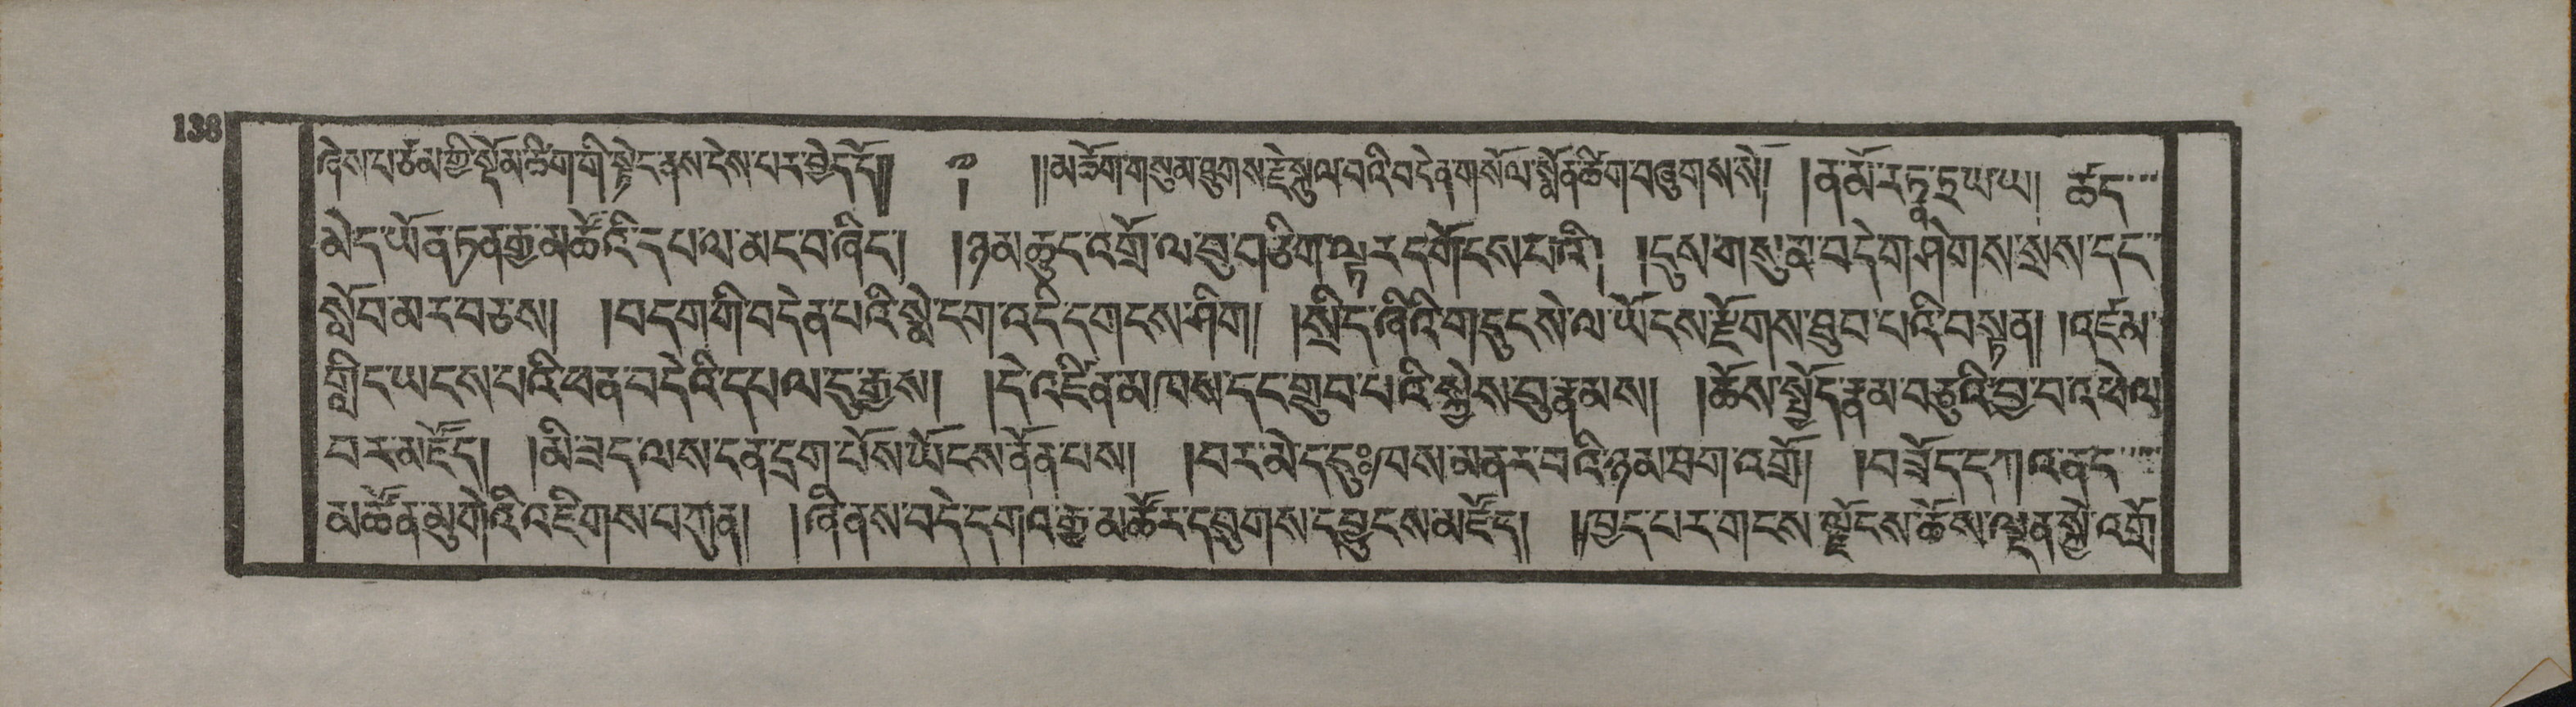ཞེས་པ་ཙམ་གྱི་སྡོམ་ཚིག་གི་སྟེང་ནས་ངེས་པར་བྱེད་དོ།། ༈།།མཆོག་གསུམ་ཐུགས་རྗེ་སྐུལ་བའི་བདེན་གསོལ་སྨོན་ཚིག་བཞུགས་སོ། །ན་མོ་རཏྣ་ཏྲ་ཡ་ཡ། ཚད་
མེད་ཡོན་ཏན་རྒྱ་མཚོའི་དཔལ་མང་བ་ཞིང་། །ཉམ་ཆུང་འགྲོ་ལ་བུ་གཅིག་ལྟར་དགོངས་པའི། །དུས་གསུམ་བདེ་གཤེགས་སྲས་དང་
སློབ་མར་བཅས། །བདག་གི་བདེན་པའི་སྨེ་ངག་འདི་དགངས་ཤིག །སྲིད་ཞིའི་གདུང་སེལ་ཡོངས་རྫོགས་ཐུབ་པའི་བསྟན། །འཛམ་
གླིང་ཡངས་པའི་ཕན་བདེའི་དཔལ་དུ་རྒྱས། །དེ་འཛིན་མཁས་དང་གྲུབ་པའི་སྐྱེས་བུ་རྣམས། །ཆོས་སྤྱོད་རྣམ་བཅུའི་བྱ་བ་འཕེལ་
བར་མཛོད། །མི་ཟད་ལས་ངན་དྲག་པོས་ཡོངས་ནོན་པས། །བར་མེད་དུཿ ཁས་མནར་བའི་ཉམ་ཐག་འགྲོ། །བཟོད་དཀའ་ནང་
མཚོན་མུ་གེའི་འཇིགས་པ་ཀུན། །ཞི་ནས་བདེ་དགའ་རྒྱ་མཚོར་དབུགས་དབྱུངས་མཛོད། །ཁྱད་པར་གངས་ལྗོངས་ཆོས་ལྡན་སྐྱེ་འགྲོ་